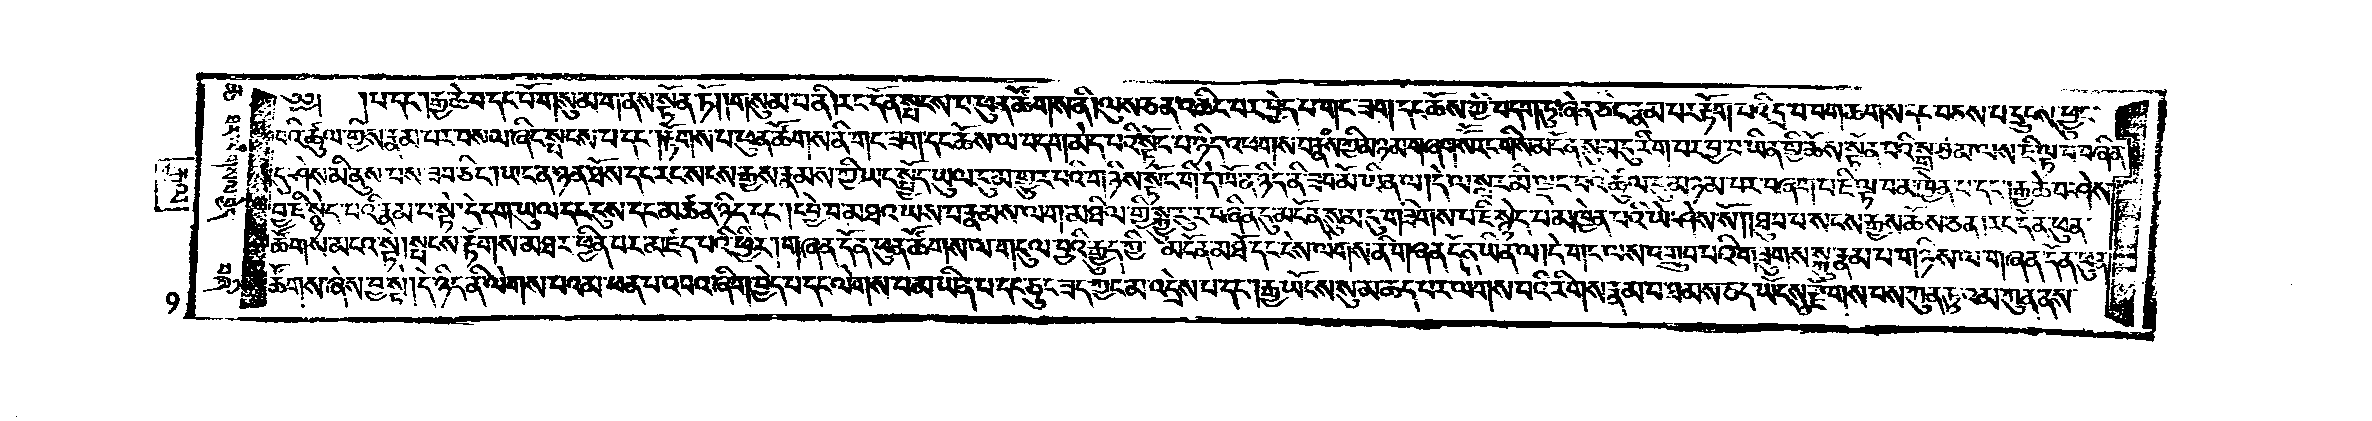༄༅། །པ་དང་། རྒྱ་ཆེ་བ་དང་པོ་གསུམ་ག་ནས་སྟོན་ཏོ། །གསུམ་པ་ནི། རང་དོན་སྤངས་པ་ཕུན་ཚོགས་ནི། ལུས་ཅན་འཆིང་བར་བྱེད་པ་གང་ཟག་དང་ཆོས་ཀྱི་བདག་ཏུ་ཞེན་ཅིང་རྣམ་པར་རྟོག་པའི་དྲ་བ་བག་ཆགས་དང་བཅས་པ་དྲུངས་ཕྱུང་
བའི་ཚུལ་གྱིས་རྣམ་པར་བསལ་ཞིང་སྤངས་པ་དང་། རྟོགས་པ་ཕུན་ཚོགས་ནི་གང་ཟག་དང་ཆོས་ལ་བདག་མེད་པའི་སྟོང་པ་ཉིད་འཕགས་པ་རྣམས་ཀྱི་མཉམ་གཞག་སཽ་རང་གིས་མངོན་སུམ་དུ་རིག་པར་བྱ་བ་ཡིན་གྱི་ཆོས་སྟོན་པའི་སྒྲ་ཙམ་ལས་ཇི་ལྟ་བ་བཞིན་
དུ་ཤེས་མི་ནུས་པས་ཟབ་ཅིང་། ཡང་ན་ཉན་ཐོས་དང་རང་སངས་རྒྱས་རྣམས་ཀྱི་ཡང་སྤྱོད་ཡུལ་དུ་མ་གྱུར་པའི་གཉིས་སྟོང་གི་དེ་ཁོ་ན་ཉིད་ནི་ཟབ་མོ་ཡིན་ལ། དེ་ལ་སླར་མི་ལྡང་བའི་ཚུལ་དུ་མཉམ་པར་བཞག་པ་ཇི་ལྟ་བ་མཁྱེན་པ་དང་། རྒྱ་ཆེ་བ་ཤེས་
བྱ་ཇི་སྙེད་པའི་རྣམ་པ་སྟེ་དེ་དག་ཡུལ་དང་དུས་དང་མཚན་ཉིད་དང་། དབྱེ་བ་མཐའ་ཡས་པ་རྣམས་ལག་མཐིལ་གྱི་སྒྱུ་རུ་ར་བཞིན་དུ་མངོན་སུམ་དུ་གཟིགས་པ་ཇི་སྙེད་པ་མཁྱེན་པའི་ཡེ་ཤེས་སོ། །ཐུབ་པ་སངས་རྒྱས་ཆོས་ཅན། རང་དོན་ཕུན་
ཚོགས་མངའ་སྟེ། སྤངས་རྟོགས་མཐར་ཕྱིན་པར་མཛད་པའི་ཕྱིར། གཞན་དོན་ཕུན་ཚོགས་ལ་གདུལ་བྱའི་རྒྱུད་ཀྱི་མངོན་མཐོ་དང་ངེས་ལགས་ནི་གཞན་དོན་ཡིན་ལ། དེ་གང་ལས་འགྲུབ་པའི་གཟུགས་སྐུ་རྣམ་པ་གཉིས་ལ་གཞན་དོན་ཕུན་
ཚོགས་ཞེས་བྱ་སྟེ། དེ་ཉིད་ནི་ལེགས་པའམ་ཕན་པ་འབའ་ཞིག་བྱེད་པ་དང་ལེགས་པ་མ་ཡིན་པ་དང་ཅུང་ཟད་ཀྱང་མ་འདྲེས་པ་དང་། རྒྱ་ཡོངས་སུ་མ་ཆད་པར་ལེགས་པའི་རིགས་རྣམ་པ་ཐམས་ཅད་ཡོངས་སུ་རྫོགས་པས་ཀུན་ཏུ་འམ་ཀུན་ནས་